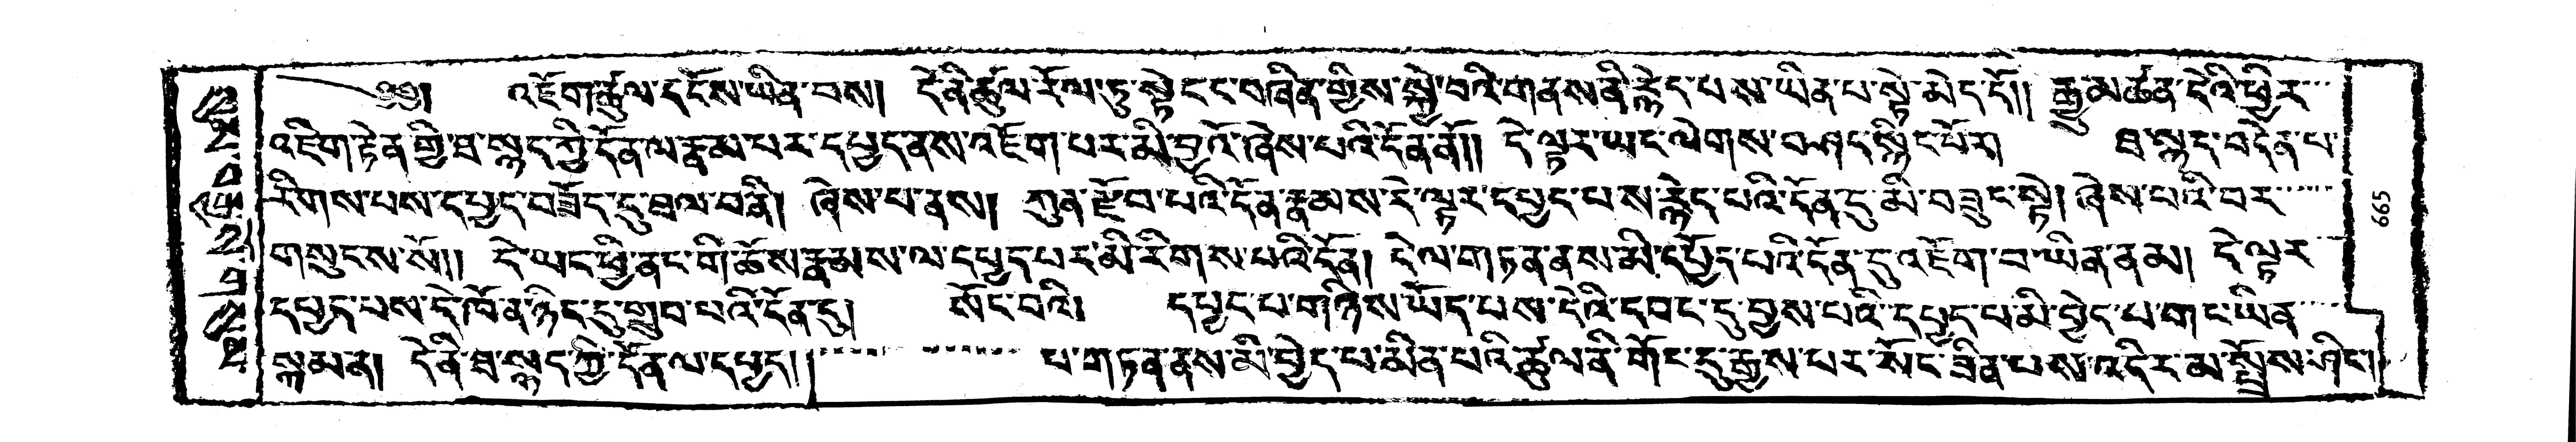༄༅། །འཇོག་ཚུལ་དངོས་ཡིན་པས། དེ་ནི་ཚུལ་རོལ་ཏུ་སྟེང་ང་བཞིན་གྱིས་སྐྱེ་བའི་གནས་ནི་རྙེད་པས་ཡིན་པ་སྟེ་མེད་དོ། །རྒྱུ་མཚན་དེའི་ཕྱིར་
འཇིག་རྟེན་གྱི་ཐ་སྙད་ཀྱི་དོན་ལ་རྣམ་པར་དཔྱད་ནས་འཇོག་པར་མི་བྱའོ་ཞེས་པའི་དོན་ནོ། །དེ་ལྟར་ཡང་ལེགས་བཤད་སྙིང་པོར། ཐ་སྙད་བདེན་པ་
རིགས་པས་དཔྱད་བཟོད་དུ་ཐལ་བ་ནི། ཞེས་པ་ནས། ཀུན་རྫོབ་པའི་དོན་རྣམས་དེ་ལྟར་དཔྱད་པས་རྙེད་པའི་དོན་དུ་མི་བཟུང་སྟེ། ཞེས་པའི་བར་
གསུངས་སོ། །དེ་ཡང་ཕྱི་ནང་གི་ཆོས་རྣམས་ལ་དཔྱད་པར་མི་རིགས་པའི་དོན། དེ་ལ་གཏན་ནས་མི་དཔྱོད་པའི་དོན་དུ་འཇོག་པ་ཡིན་ནམ། དེ་ལྟར་
དཔྱད་པས་དེ་ཁོ་ན་ཉིད་དུ་གྲུབ་པའི་དོན་དུ། སོང་བའི། དཔྱད་པ་གཉིས་ཡོད་པས་དེའི་དབང་དུ་བྱས་པའི་དཔྱད་པ་མི་བྱེད་པ་གང་ཡིན་
སྐམ་ན། དེ་ནི་ཐ་སྙད་ཀྱི་དོན་ལ་དཔྱད། །པ་གཏན་ནས་མི་བྱེད་པ་མིན་པའི་ཚུལ་ནི་གོང་དུ་རྒྱས་པར་སོང་ཟིན་པས་འདིར་མ་སྤྲོས་ཤིང་།